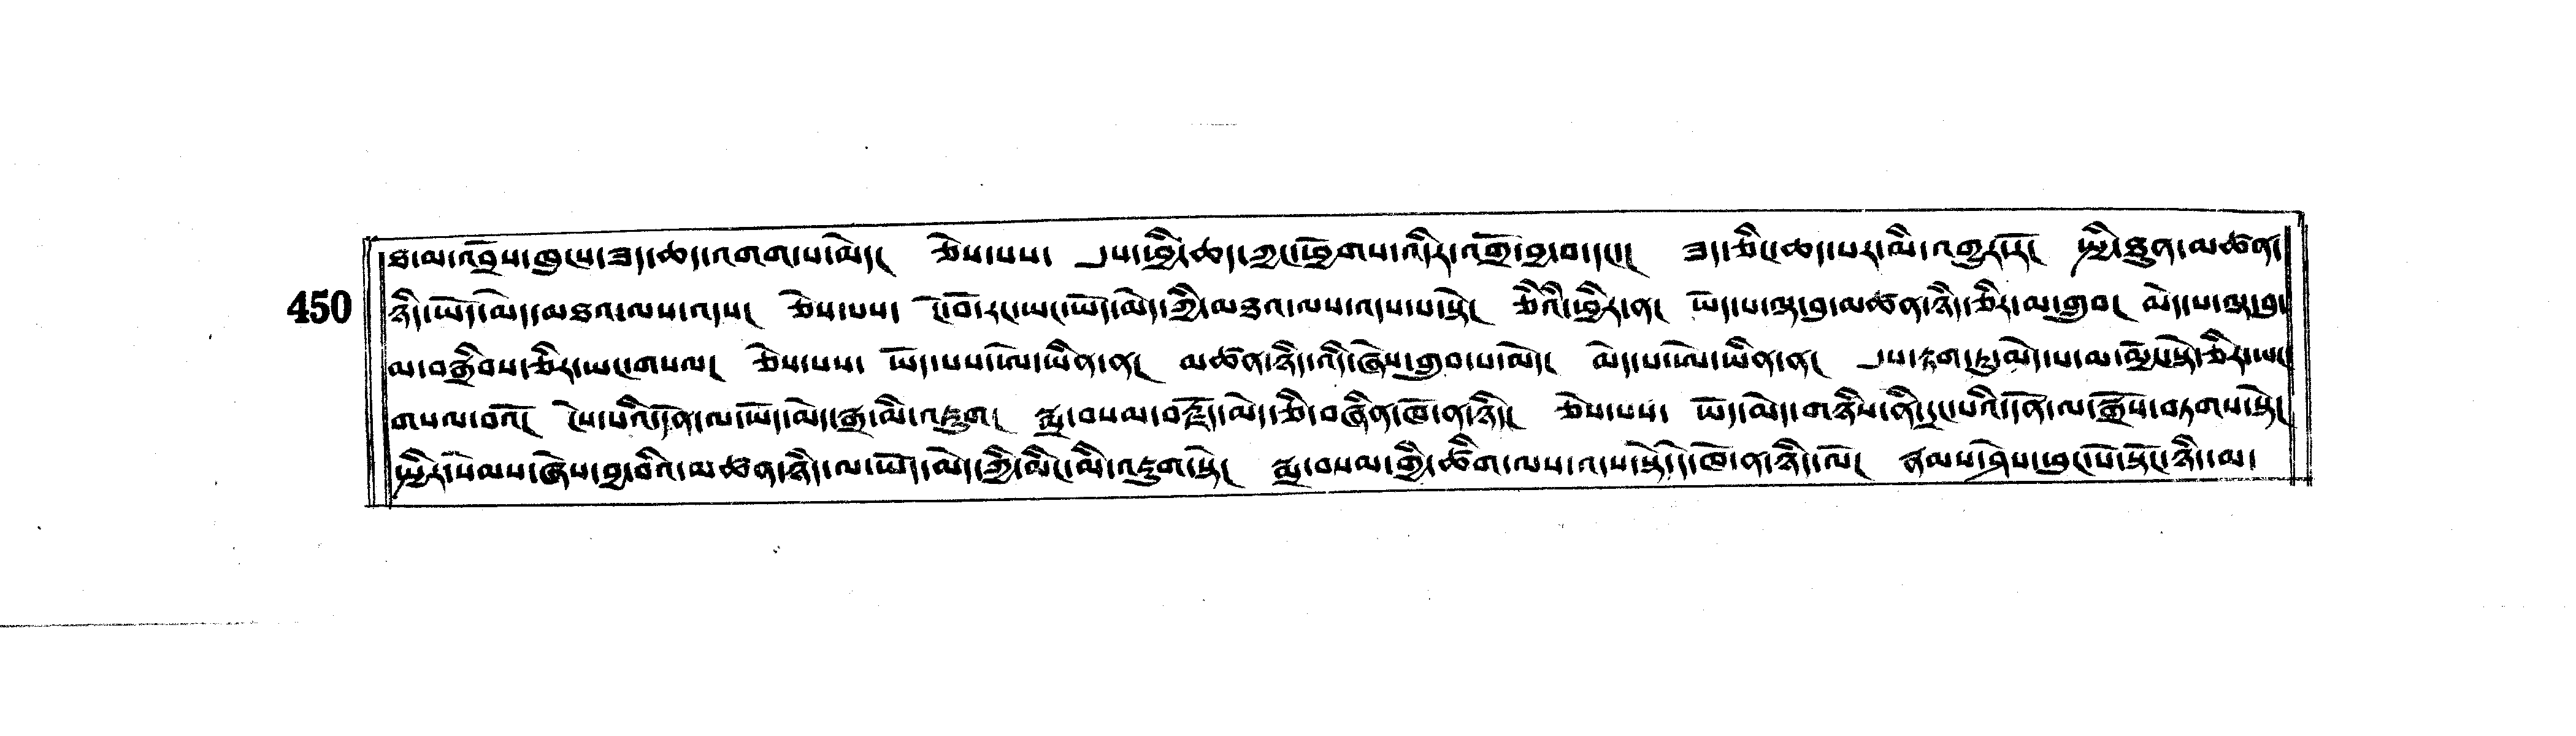ཐ་མ་འབྲོས་ཁུང་ཟད་ཆད་འགག་པ་མེད། ཅེས་པས། དུས་ཕྱི་ཆད་ཀྱང་ཕྱོགས་འདིར་འགྲོ་བྱ་བ་དང་། ཟད་ཅིང་ཆད་པར་མི་འགྱུར་རོ། སྤྱི་མཐུན་མཚན་
ཉིད་ཡོད་མེད་མཐའ་ལས་འདས། ཅེས་པས། ངོ་བོ་རང་ཡང་ཡོད་མེད་ཀྱི་མཐའ་ལས་འདས་པ་སྟེ། ཅིའི་ཕྱིར་ན། ཡོད་པ་ལྟ་བུ་མཚན་ཉིད་ཅིར་མ་གྲུབ། མེད་པ་ལྟ་བུ་
མ་བསྒྲིབས་ཅིར་ཡང་གསལ། ཅེས་པས། ཡོད་པས་ཨེ་ཡིན་ན་མཚན་ཉིད་འདི་ཞེས་གྲུབ་པ་མེད། མེད་པ་ཨེ་ཡིན་ན་དུས་རྟག་ཏུ་མེད་པ་མ་མྱོང་སྟེ་ཅིར་ཡང་
གསལ་བའོ། ངེས་པའི་དོན་ལ་ཡོད་མེད་སྒྲ་མི་འཇུག སྨྲ་བསམ་བརྗོད་མེད་ཅི་བཞིན་ཁོ་ན་ཉིད། ཅེས་པས། ཡོད་མེད་གཉིས་ནི་དྲང་བའི་དོན་ལ་སྒྲོས་བཏགས་ཏེ། 
སྤྱིར་སེམས་ཞེས་བྱ་བའི་མཚན་ཉིད་ལ་ཡོད་མེད་ཀྱི་མིང་མི་འཇུག་སྟེ། སྨྲ་བསམ་གྱི་ཚིག་ལས་འདས་ཏེ་དེ་ཁོ་ན་ཉིད་ལོ། རྣམ་ཤེས་ཕུང་པོ་སྟོང་ཉིད་མ་